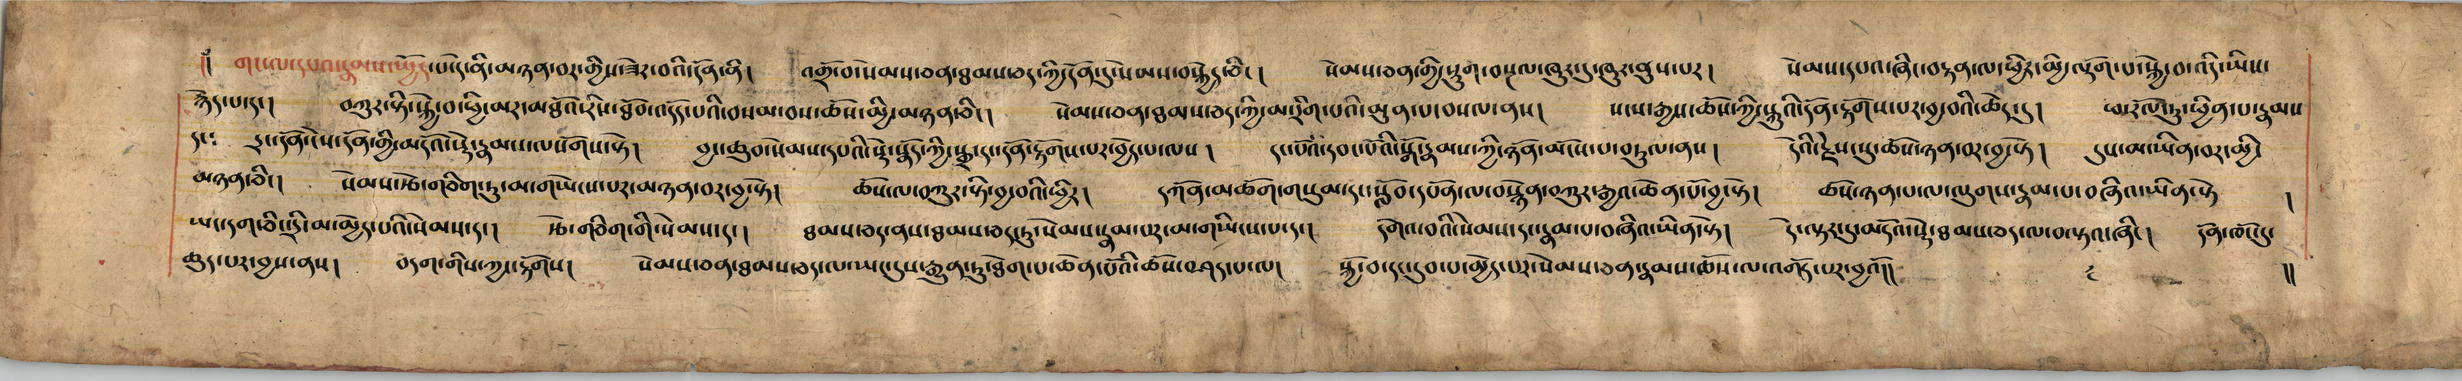།། གང་ལ་དཔའ་རྣམས་སྤྱོད་པ་དེ་ནི་མཉན་བར་གྱིས་ཟེར་བའི་དོན་ནི། འགྲོ་བ་སེམས་ཅན་ཐམས་ཅད་ཀྱི་དོན་དུ་སེམས་བསྐྱེད་ཅིང། སེམས་ཅན་གྱི་སྡུག་བསྔལ་ཞུར་དུ་ཞུར་ནུས་པར། སེམས་དཔའ་ཞིང་བརྟན་ལ་ཕྱིར་མྱི་ལྡོག་པ་སྐྱེ་བ་འདི་ཡིས་
རྙེད་པ་དང། བཀུར་སྟི་སྐྱེ་བ་ཕྱི་མར་མཐོའ་རིས་ཐོབ་འདོད་པའི་བསམ་བས་ཆོས་མྱི་མཉན་ཅིང། སེམས་ཅན་ཐམས་ཅད་ཀྱི་མ་རིག་པའི་མུན་པ་བསལ་ནས། སངས་རྒྱས་ཆོས་ཀྱི་སྐུའི་དོན་རྟོགས་པར་བྱ་བའི་ཆེད་དུ། ཕ་རོལ་ཏུ་ཕྱིན་པ་རྣམས
དང་ དྲང་དོན་ངེས་དོན་གྱི་མདོའ་སྡེ་རྣམས་ལསོགས་སྟེ། བྱང་ཆུབ་སེམས་དཔའི་སྡེ་སྣོད་ཀྱི་སྒྲ་དོན་རྟོགས་པར་བྱེད་པ་ལས། དང་པོའ་དབང་པོའི་སྒོ་རྣམས་ཀྱི་ཉོན་མོངས་པ་བཏུལ་ནས། དེའི་རྗེས་སུ་ཆོས་ཉན་བར་བྱ་སྟེ། དུས་མ་ཡིན་བར་མྱི་
མཉན་ཅིང། སེམས་རྩེ་གཅིག་ཏུ་མ་གཡེངས་པར་མཉན་བར་བྱས་བྱ་སྟེ། ཆོས་ལ་བཀུར་སྟི་བྱ་བའི་ཕྱིར། དཀོན་མཆོག་གསུམ་དང་སློབ་དཔོན་ལ་བསྙེན་བཀུར་རྒྱའ་ཆེན་པོ་བྱ་སྟེ། ཆོས་ཉན་པ་ལ་ལུགས་རྣམ་པ་བཞིའ་ཡིན་སྟེ
ཡང་དག་ཅིང་དྲི་མ་མྱེད་པའི་སེམས་དང། རྩེ་གཅིག་གི་སེམས་དང། ཐམས་ཅད་ནས་ཐམས་ཅད་ཏུ་སེམས་རྣམ་པར་མ་གཡིངས་པ་དང། དགེའ་བའི་སེམས་དང་རྣམ་པ་བཞིའ་ཡིན་སྟེ། དེ་ལྟར་དུ་མདོའ་སྡེ་ཐམས་ཅད་ལ་བལྟའ་ཞིང། དོན་ཁོང་དུ་
ཆུད་པར་བྱས་ནས། བདག་གིས་ཀྱང་རྟོགས། སེམས་ཅན་ཐམས་ཅད་ལ་ཡང་དུས་རྒྱུན་ཏུ་ཐེག་པ་ཆེན་པོའི་ཆོས་བཤད་པ་ལ། སྐྱོ་བ་དང་དུབ་པ་མྱེད་པར་སེམས་ཅན་རྣམས་ཆོས་ལ་འགོད་པར་བྱའོ།།